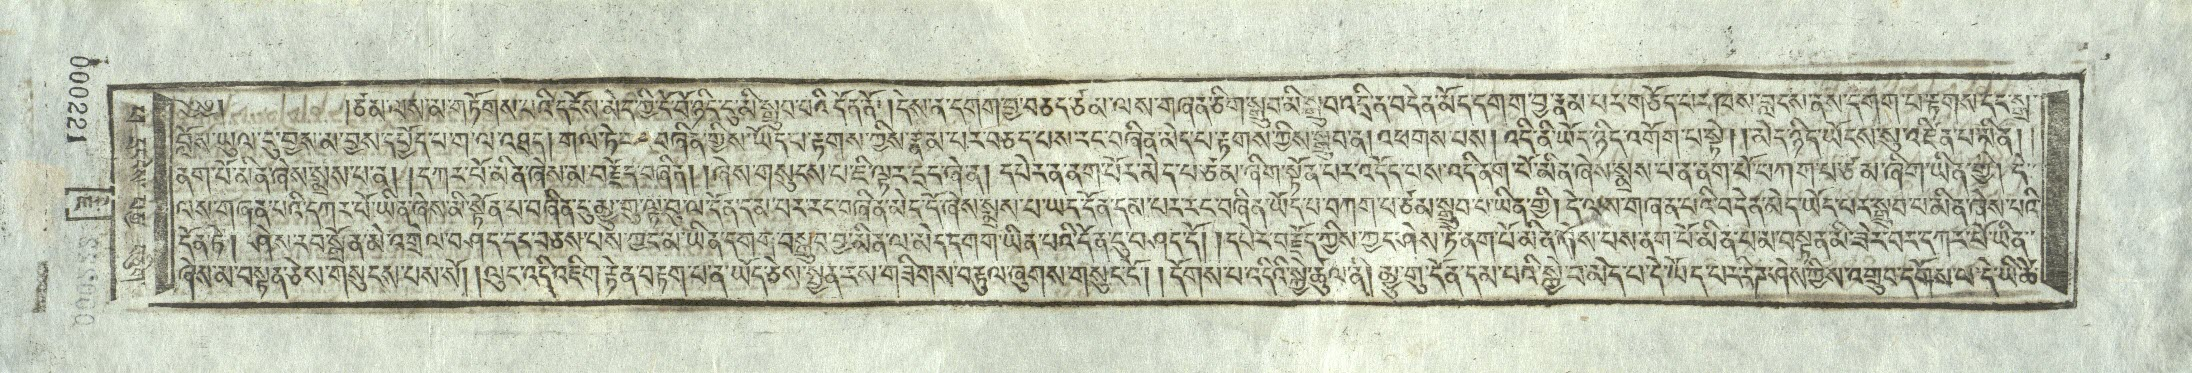༄༅། །ཙམ་ལས་མ་གཏོགས་པའི་དངོས་མེད་ཀྱི་ངོ་བོ་ཉིད་དུ་མི་སྒྲུབ་པའི་དོན་ནོ། །དེས་ན་དགག་བྱ་བཅད་ཙམ་ལས་གཞན་ཅིག་སྒྲུབ་མི་སྒྲུབ་འདྲི་ན་བདེན་མོད་དགག་བྱ་རྣམ་པར་གཅོད་པར་ཁས་བླངས་ནས་དགག་པ་རྟགས་དང་སྒྲ་
བློས་ཡུལ་དུ་བྱས་མ་བྱས་དཔྱོད་པ་ག་ལ་འཐད། གལ་ཏེ་རང་བཞིན་གྱིས་ཡོད་པ་རྟགས་ཀྱིས་རྣམ་པར་བཅད་པས་རང་བཞིན་མེད་པ་རྟགས་ཀྱིས་སྒྲུབ་ན། འཕགས་པས། འདི་ནི་ཡོད་ཉིད་འགོག་པ་སྟེ། །མེད་ཉིད་ཡོངས་སུ་འཛིན་པ་མིན། །
ནག་པོ་མིན་ཞེས་སྨྲས་པ་ན། །དཀར་པོ་མིན་ཞེས་མ་བརྗོད་བཞིན། །ཞེས་གསུངས་པ་ཇི་ལྟར་དྲང་ཞེ་ན། དཔེར་ན་ནག་པོར་མེད་པ་ཙམ་ཞིག་སྟོན་པར་འདོད་པས་འདི་ནག་པོ་མིན་ཞེས་སྨྲས་པ་ན་ནག་པོ་བཀག་པ་ཙམ་ཞིག་ཡིན་གྱི། དེ་
ལས་གཞན་པའི་དཀར་པོ་ཡིན་ཞེས་མི་སྟོན་པ་བཞིན་དུ་མྱུ་གུ་ལྟ་བུ་ལ་དོན་དམ་པར་རང་བཞིན་མེད་དོ་ཞེས་སྨྲས་པ་ཡང་དོན་དམ་པར་རང་བཞིན་ཡོད་པ་བཀག་པ་ཙམ་སྒྲུབ་པ་ཡིན་གྱི། དེ་ལས་གཞན་པའི་བདེན་མེད་ཡོད་པར་སྒྲུབ་པ་མིན་ཞེས་པའི་
དོན་ཏེ། ཤེས་རབ་སྒྲོན་མ་འགྲེལ་བཤད་དང་བཅས་པས་ཀྱང་མ་ཡིན་དགག་བསྒྲུབ་བྱ་མིན་ལ་མེད་དགག་ཡིན་པའི་དོན་དུ་བཤད་དོ། །དཔེར་བརྗོད་ཀྱིས་ཀྱང་ཤེས་ཏེ་ནག་པོ་མིན་ཞེས་པས་ནག་པོ་མིན་པ་མ་བསྟན་མི་ཟར་བར་དཀར་པོ་ཡིན་
ཞེས་མ་བསྟན་ཅེས་གསུངས་པས་སོ། །ལུང་འདི་འཇིག་རྟེན་བརྟག་པ་ན་ཡོད་ཅེས་སྤྱན་རས་གཟིགས་བརྟུལ་ཞུགས་གསུང་ངོ། །དོགས་པ་འདིའི་སྐྱེ་ཚུལ་ནི། མྱུ་གུ་དོན་དམ་པའི་སྐྱེ་བ་མེད་པ་དེ་ཡོད་པར་རིགས་ཤེས་ཀྱིས་འགྲུབ་དགོས་ལ་དེ་ཡི་ཚེ་